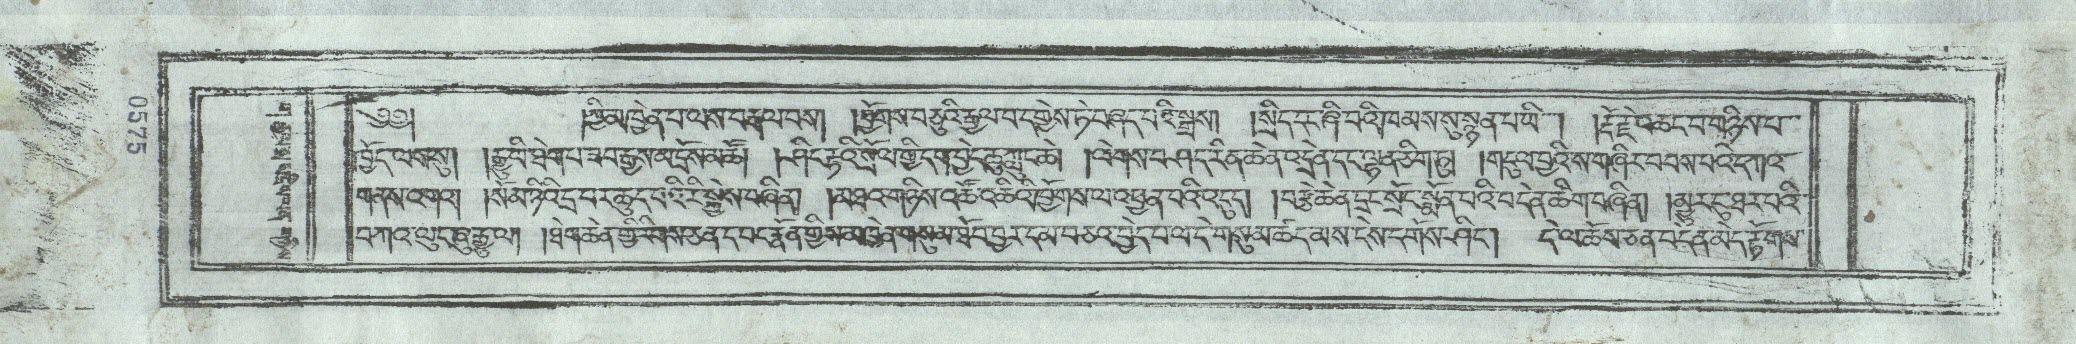༄༅། །ཀྱི་མཁྱེན་པ་ལས་བརྒལ་བས། །ཕྱོགས་བཅུའི་རྒྱལ་བ་དགྱེས་ཏེ་བཞད་པའི་སྒྲས། །སྲིད་དང་ཞི་བའི་ཁམས་སུ་སྙན་པ་ཡི། །རྡོ་རྗེ་འཆང་པ་གཉིས་པ་
ཁྱོད་ལས་སུ། །རྒྱུ་ཡི་ཐེག་པ་ཟབ་རྒྱས་མ་དྲོས་མཚོ། །ཤིང་རྟའི་སྲོལ་གྱི་དག་བྱེད་ཆུ་ཀླུང་ཆེ། །ལེགས་བཤད་རིན་ཆེན་འདྲེན་དང་ལྷན་ཅིག་ཏུ། །གདུལ་བྱའི་ས་གཞིར་བབས་པའི་དཀའ་
གནས་འགའ། །སོམ་ཉིའི་དྲ་བར་ཆུང་པའི་རི་སྐྱེས་བཞིན། །མཐའ་གཉིས་འཚོ་འཆིའི་ཁྱོགས་ལ་འཕྱན་པའི་འདུད། །བརྩེ་ཆེན་དྲང་སྲོང་སྨོན་པའི་བདེན་ཚིག་བཞིན། །མྱུར་དུ་ཐར་པའི་
བཀའ་ལུང་ཞུ་རྒྱུ་ལ། །ཐེག་ཆེན་གྱི་རིགས་ཅན་དབང་རྣོན་གྱིས་མཁྱེན་གསུམ་ཐོབ་བྱར་དམ་བཅའ་བྱེད་པ་ལ་དེ་གསུམ་ཚད་མས་ངེས་དགོས་ཤིང་། དེ་ལ་ཆོས་ཅན་བདེན་མེད་རྟོགས་